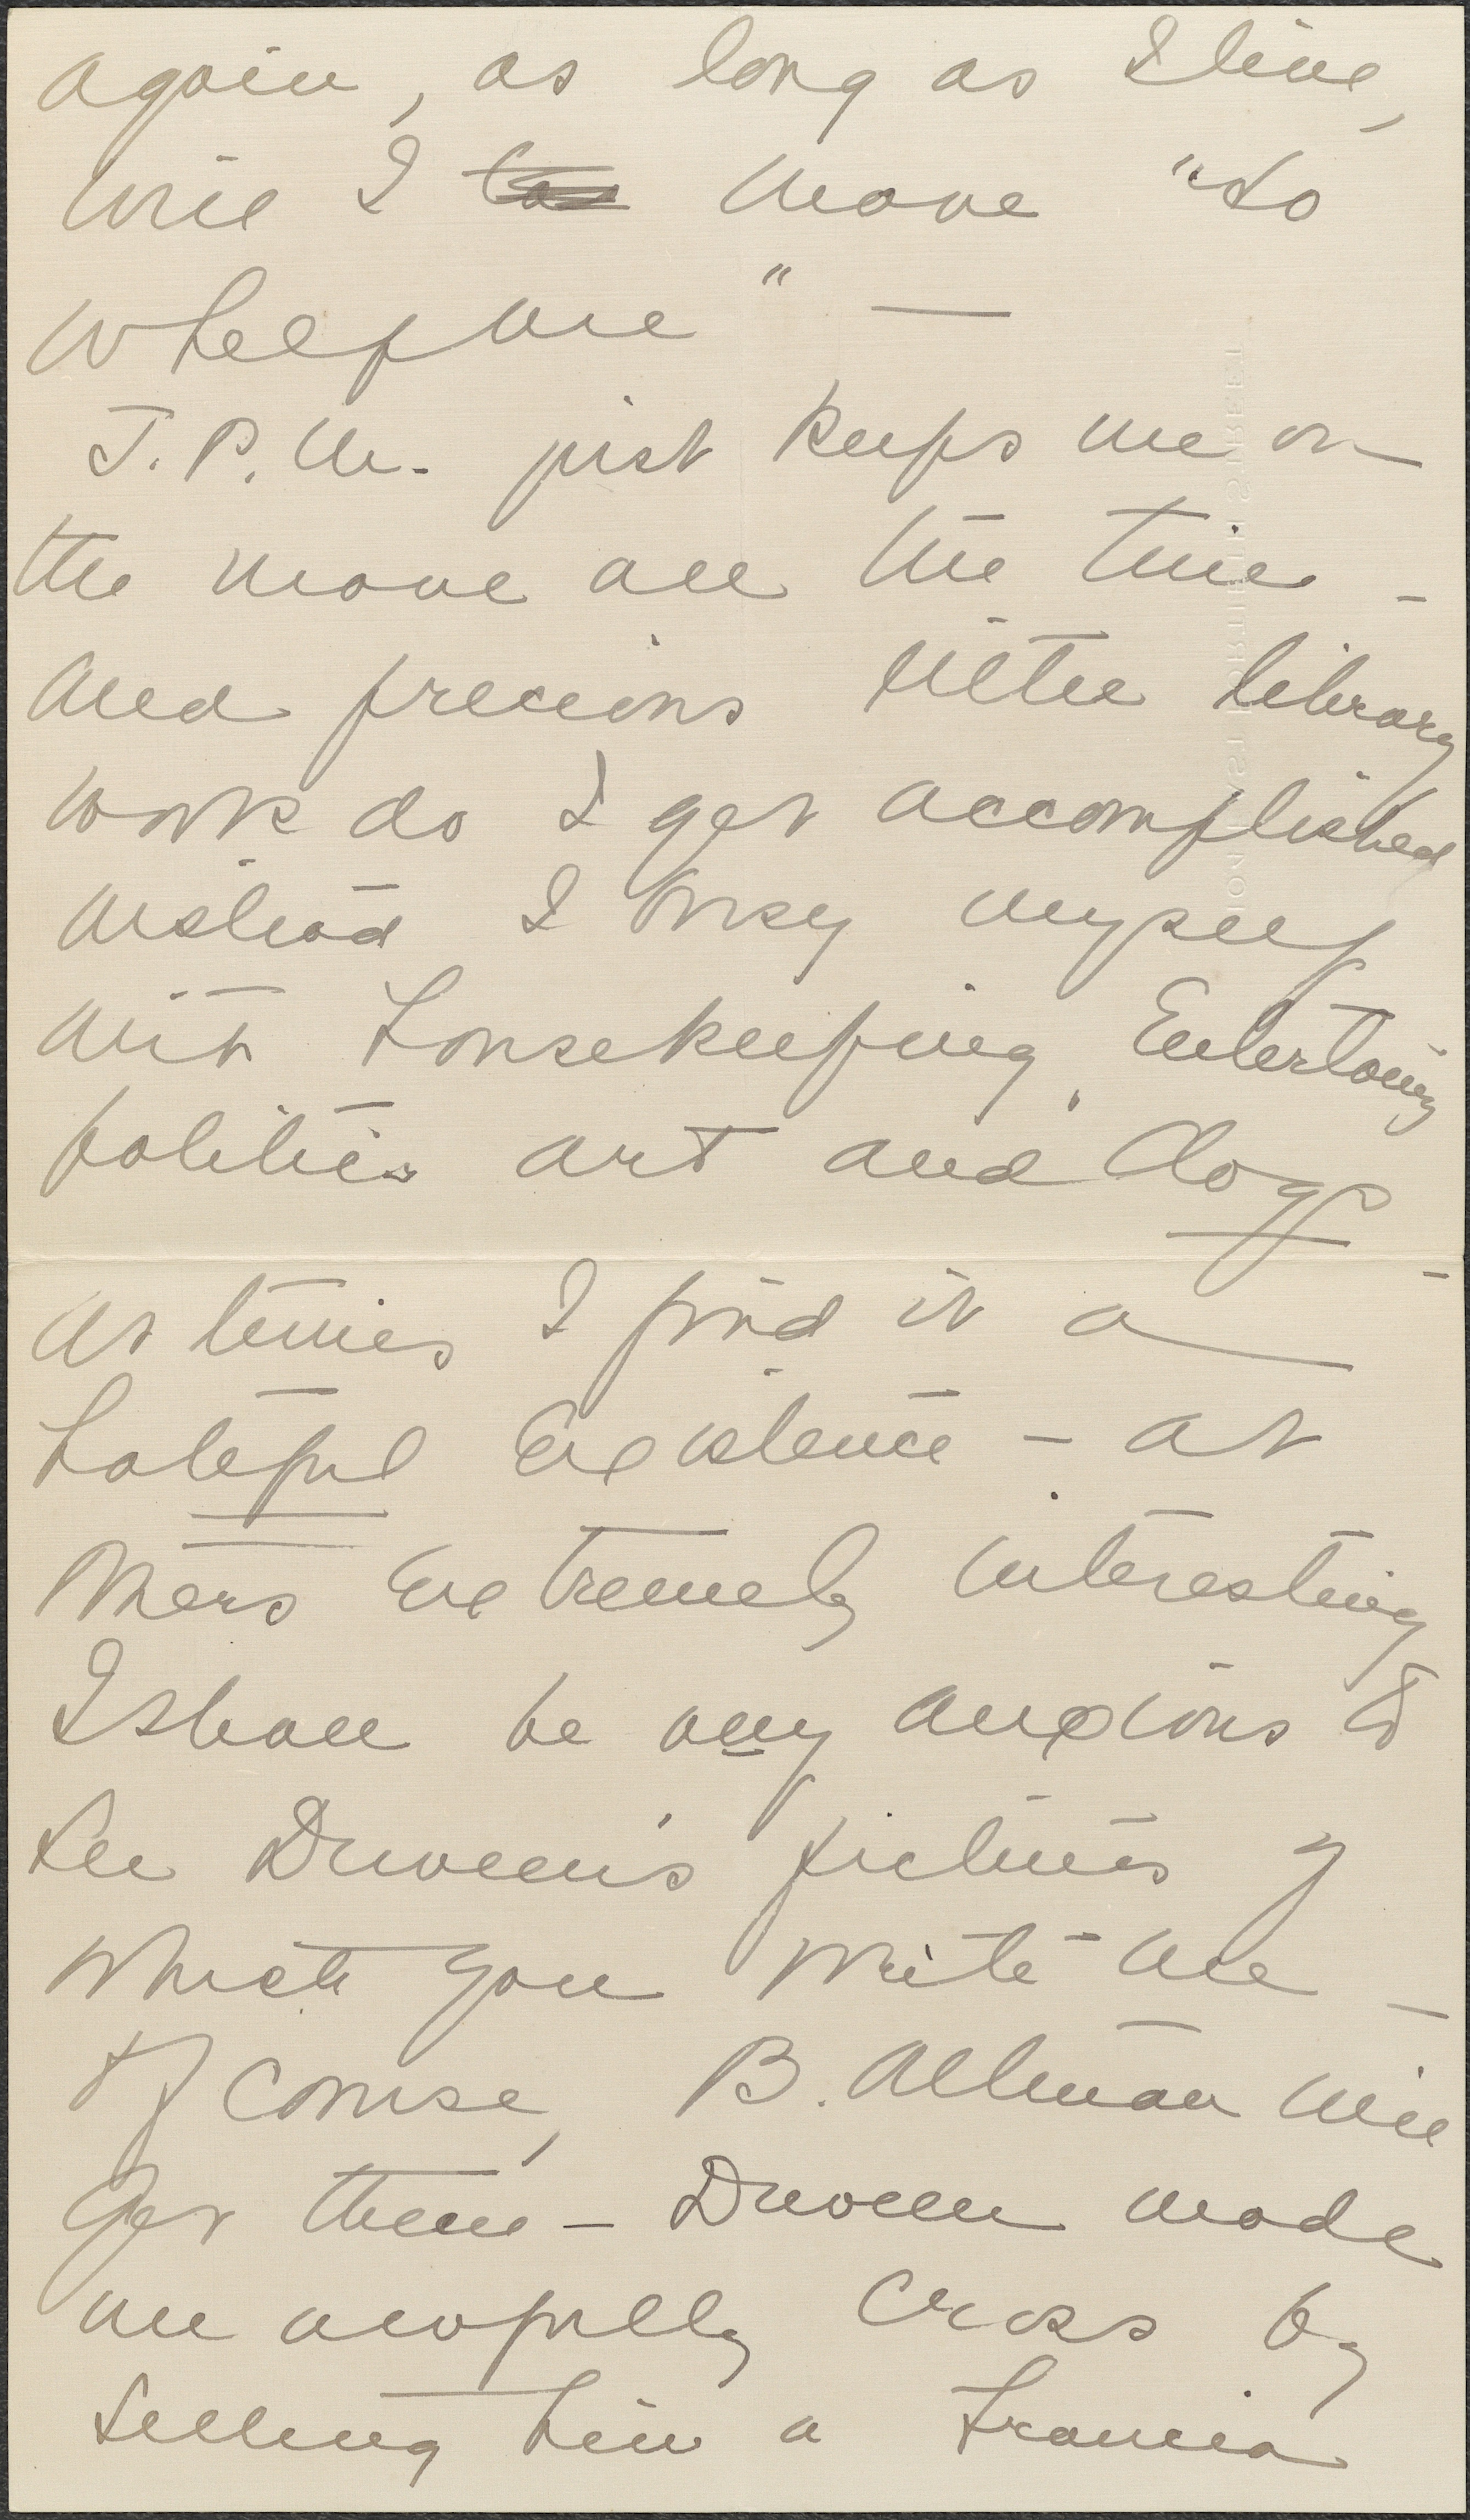again, as long as I live, will I lo move “so whelp [sic] me” –
J. P. M. just keeps me on the move all the time – and precious little library work do I get accomplished instead I busy myself with housekeeping, entertaining politics art and dogs – at times I find it a [double underlined: hateful] existence – at others extremely interesting I shall be very anxious to see Duveen’s pictures of which you write me – of course, B. Altman will get them – Duveen made me awfully cross by selling him a Francia